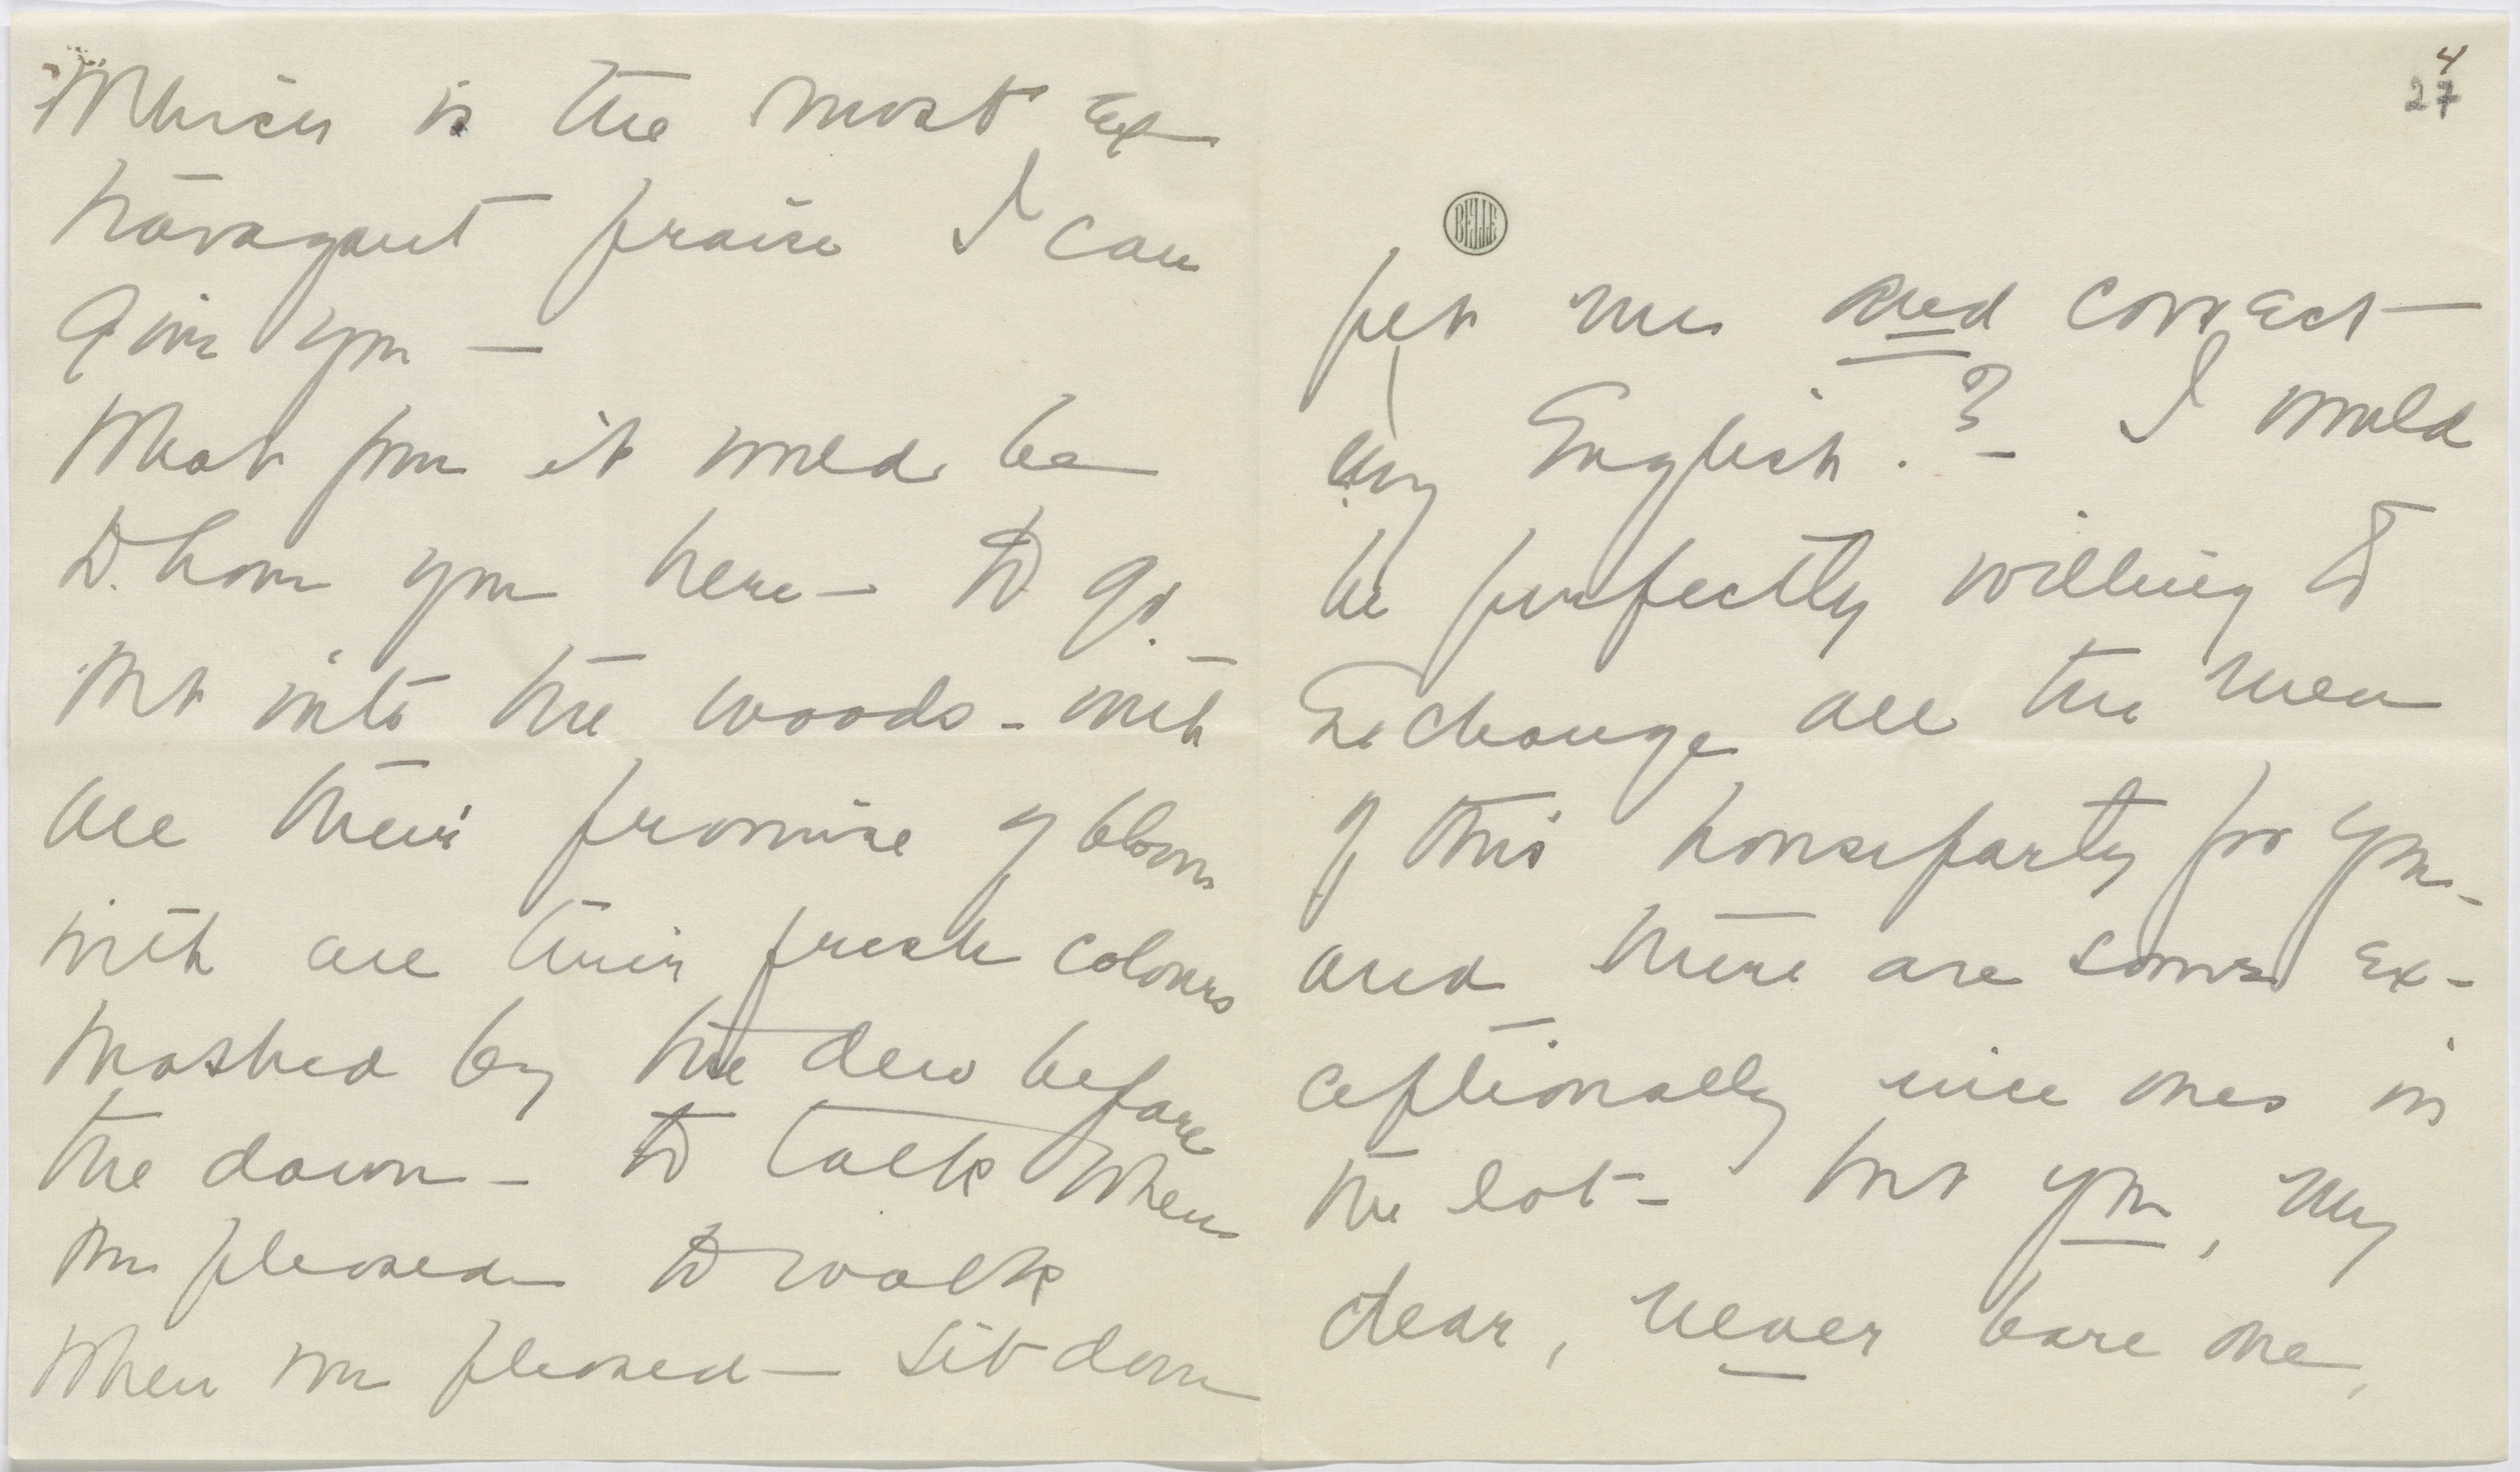pet me [double underlined: and] correct my English? – I would be perfectly willing to exchange all the men of this houseparty for you – and there are some exceptionally nice ones in the lot – but you, my dear, never bore one,
which is the most extravagant praise I can give you –
What fun it would be to have you here – to go out into the woods – with all their promise of blooms with all their fresh colours washed by the dew before the dawn – to talk when we pleased to walk when we pleased – sit down